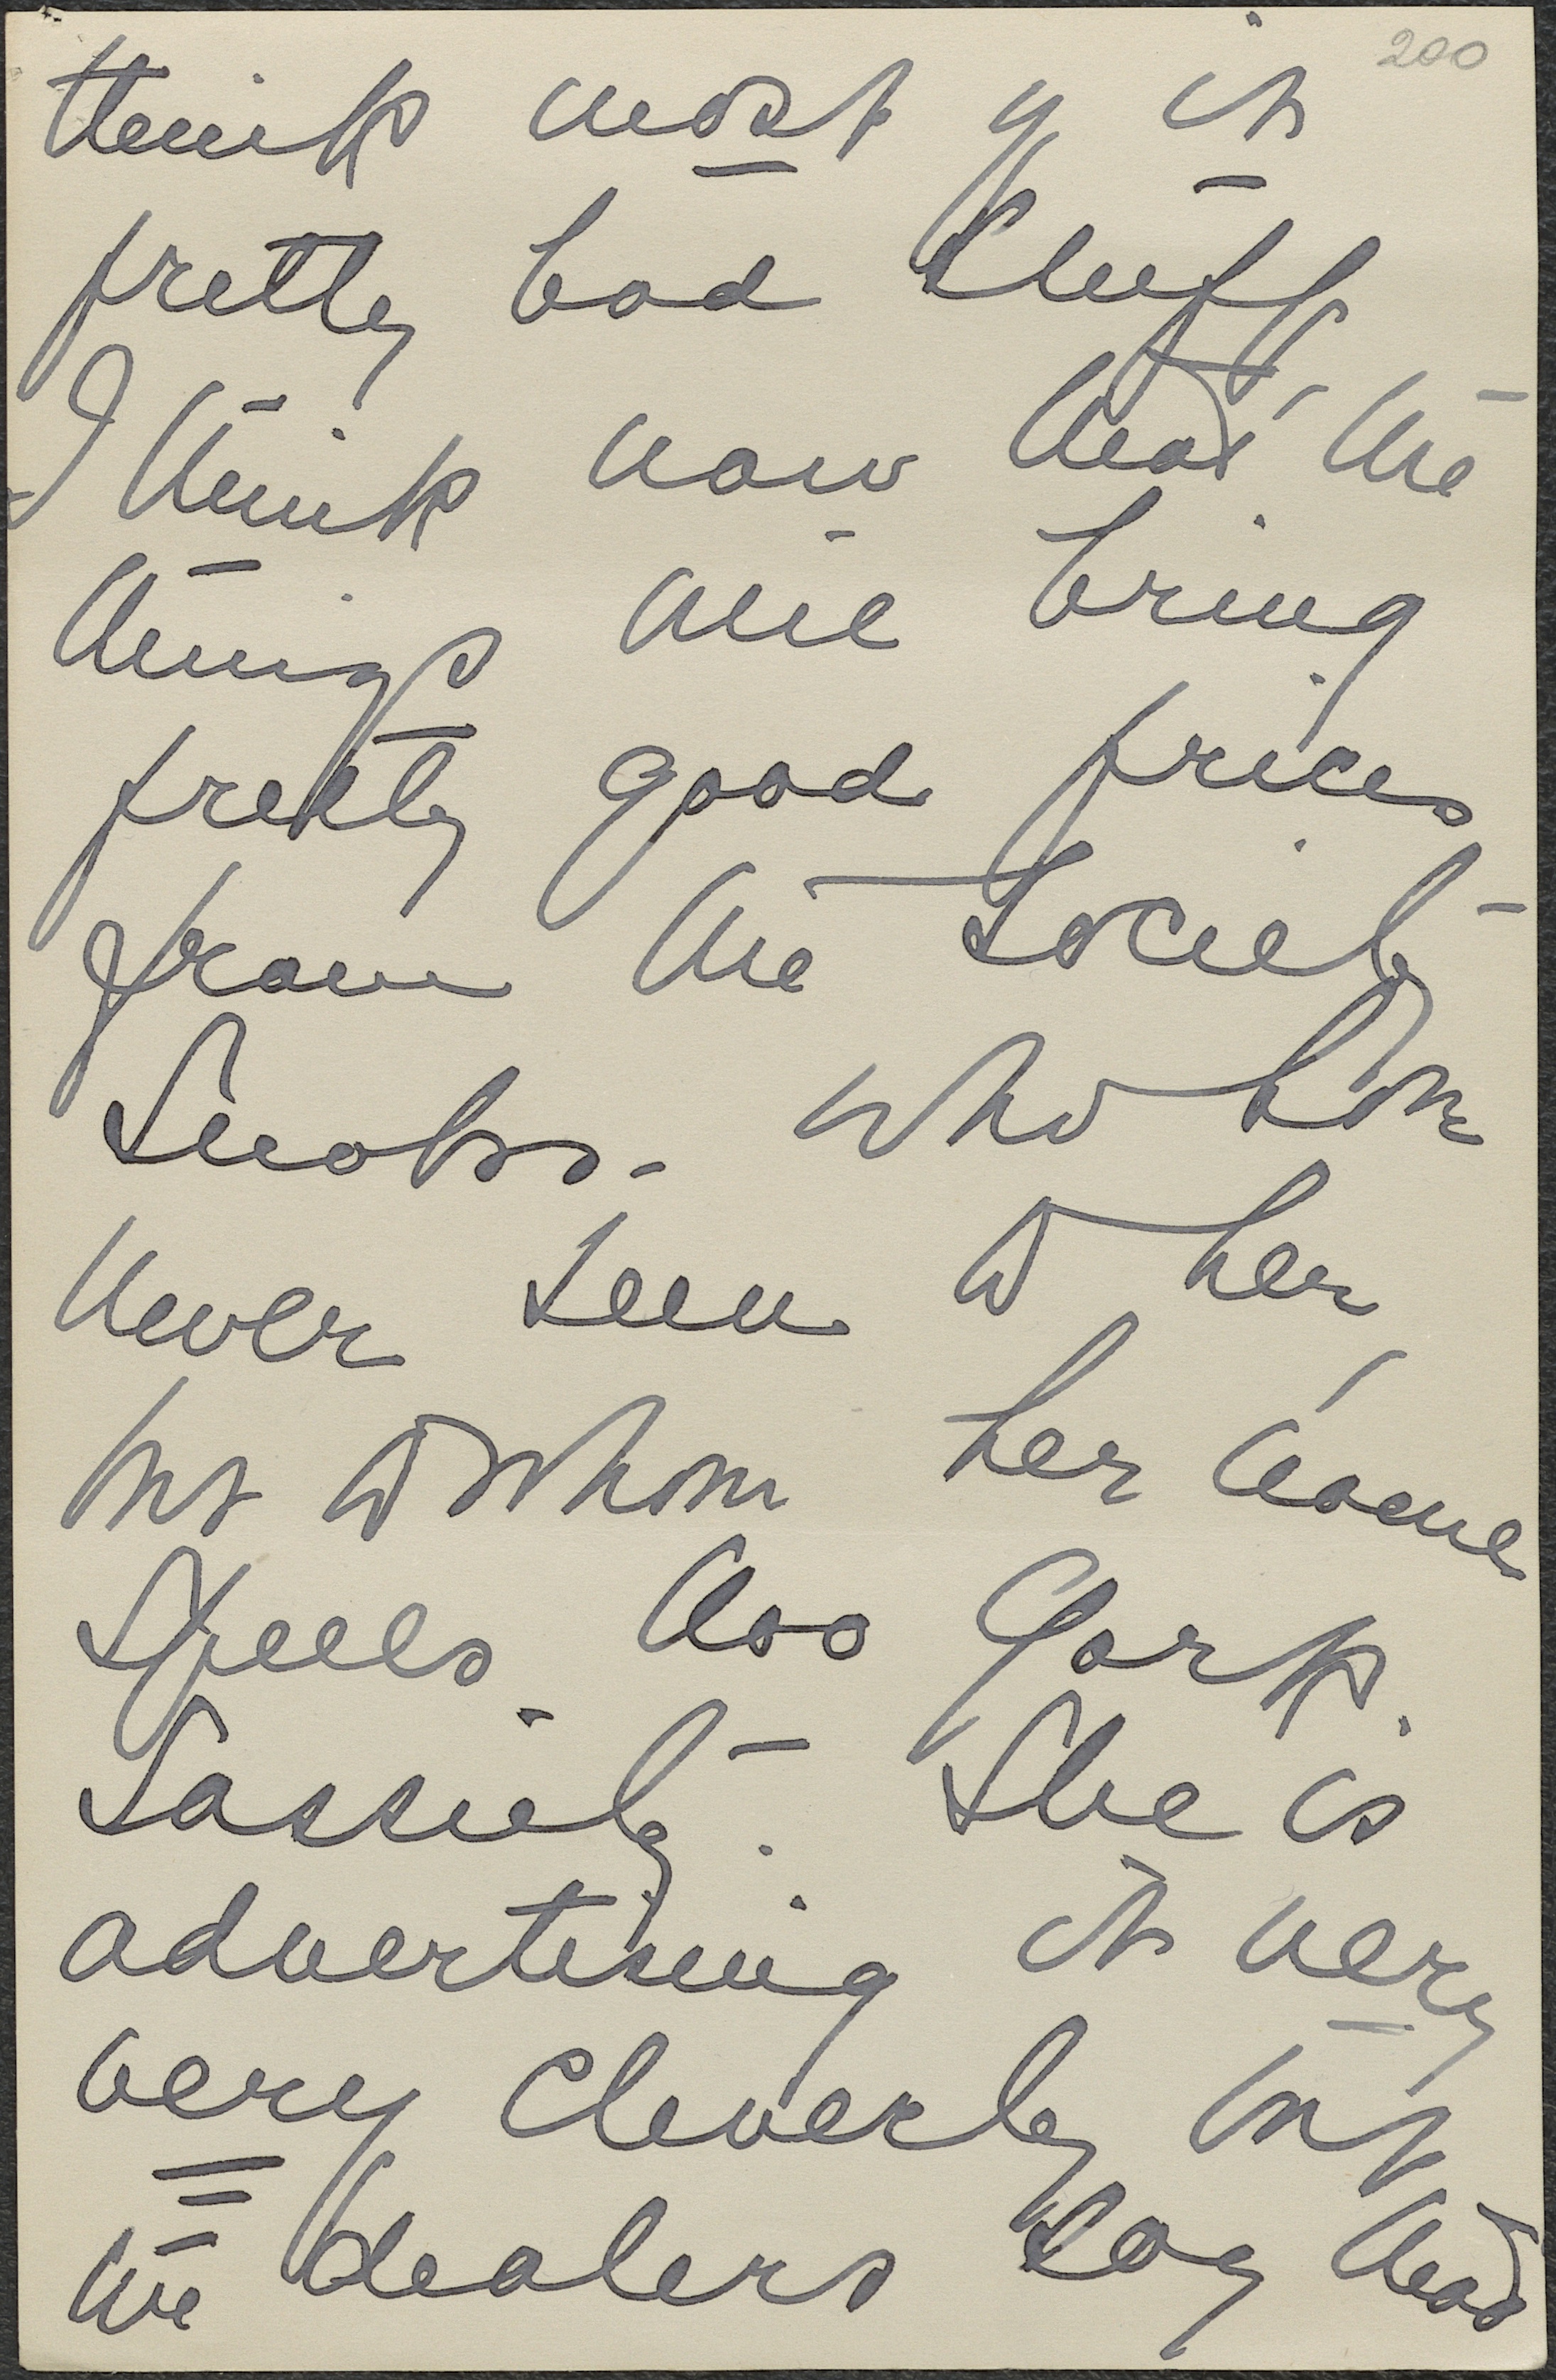think most of it pretty bad stuff I think now that the things will bring pretty good prices from the society snobs – who have never seen to her, but to whom her name spells New York sassiety. She is advertising it very [double underlined: very] cleverly but the dealers say that